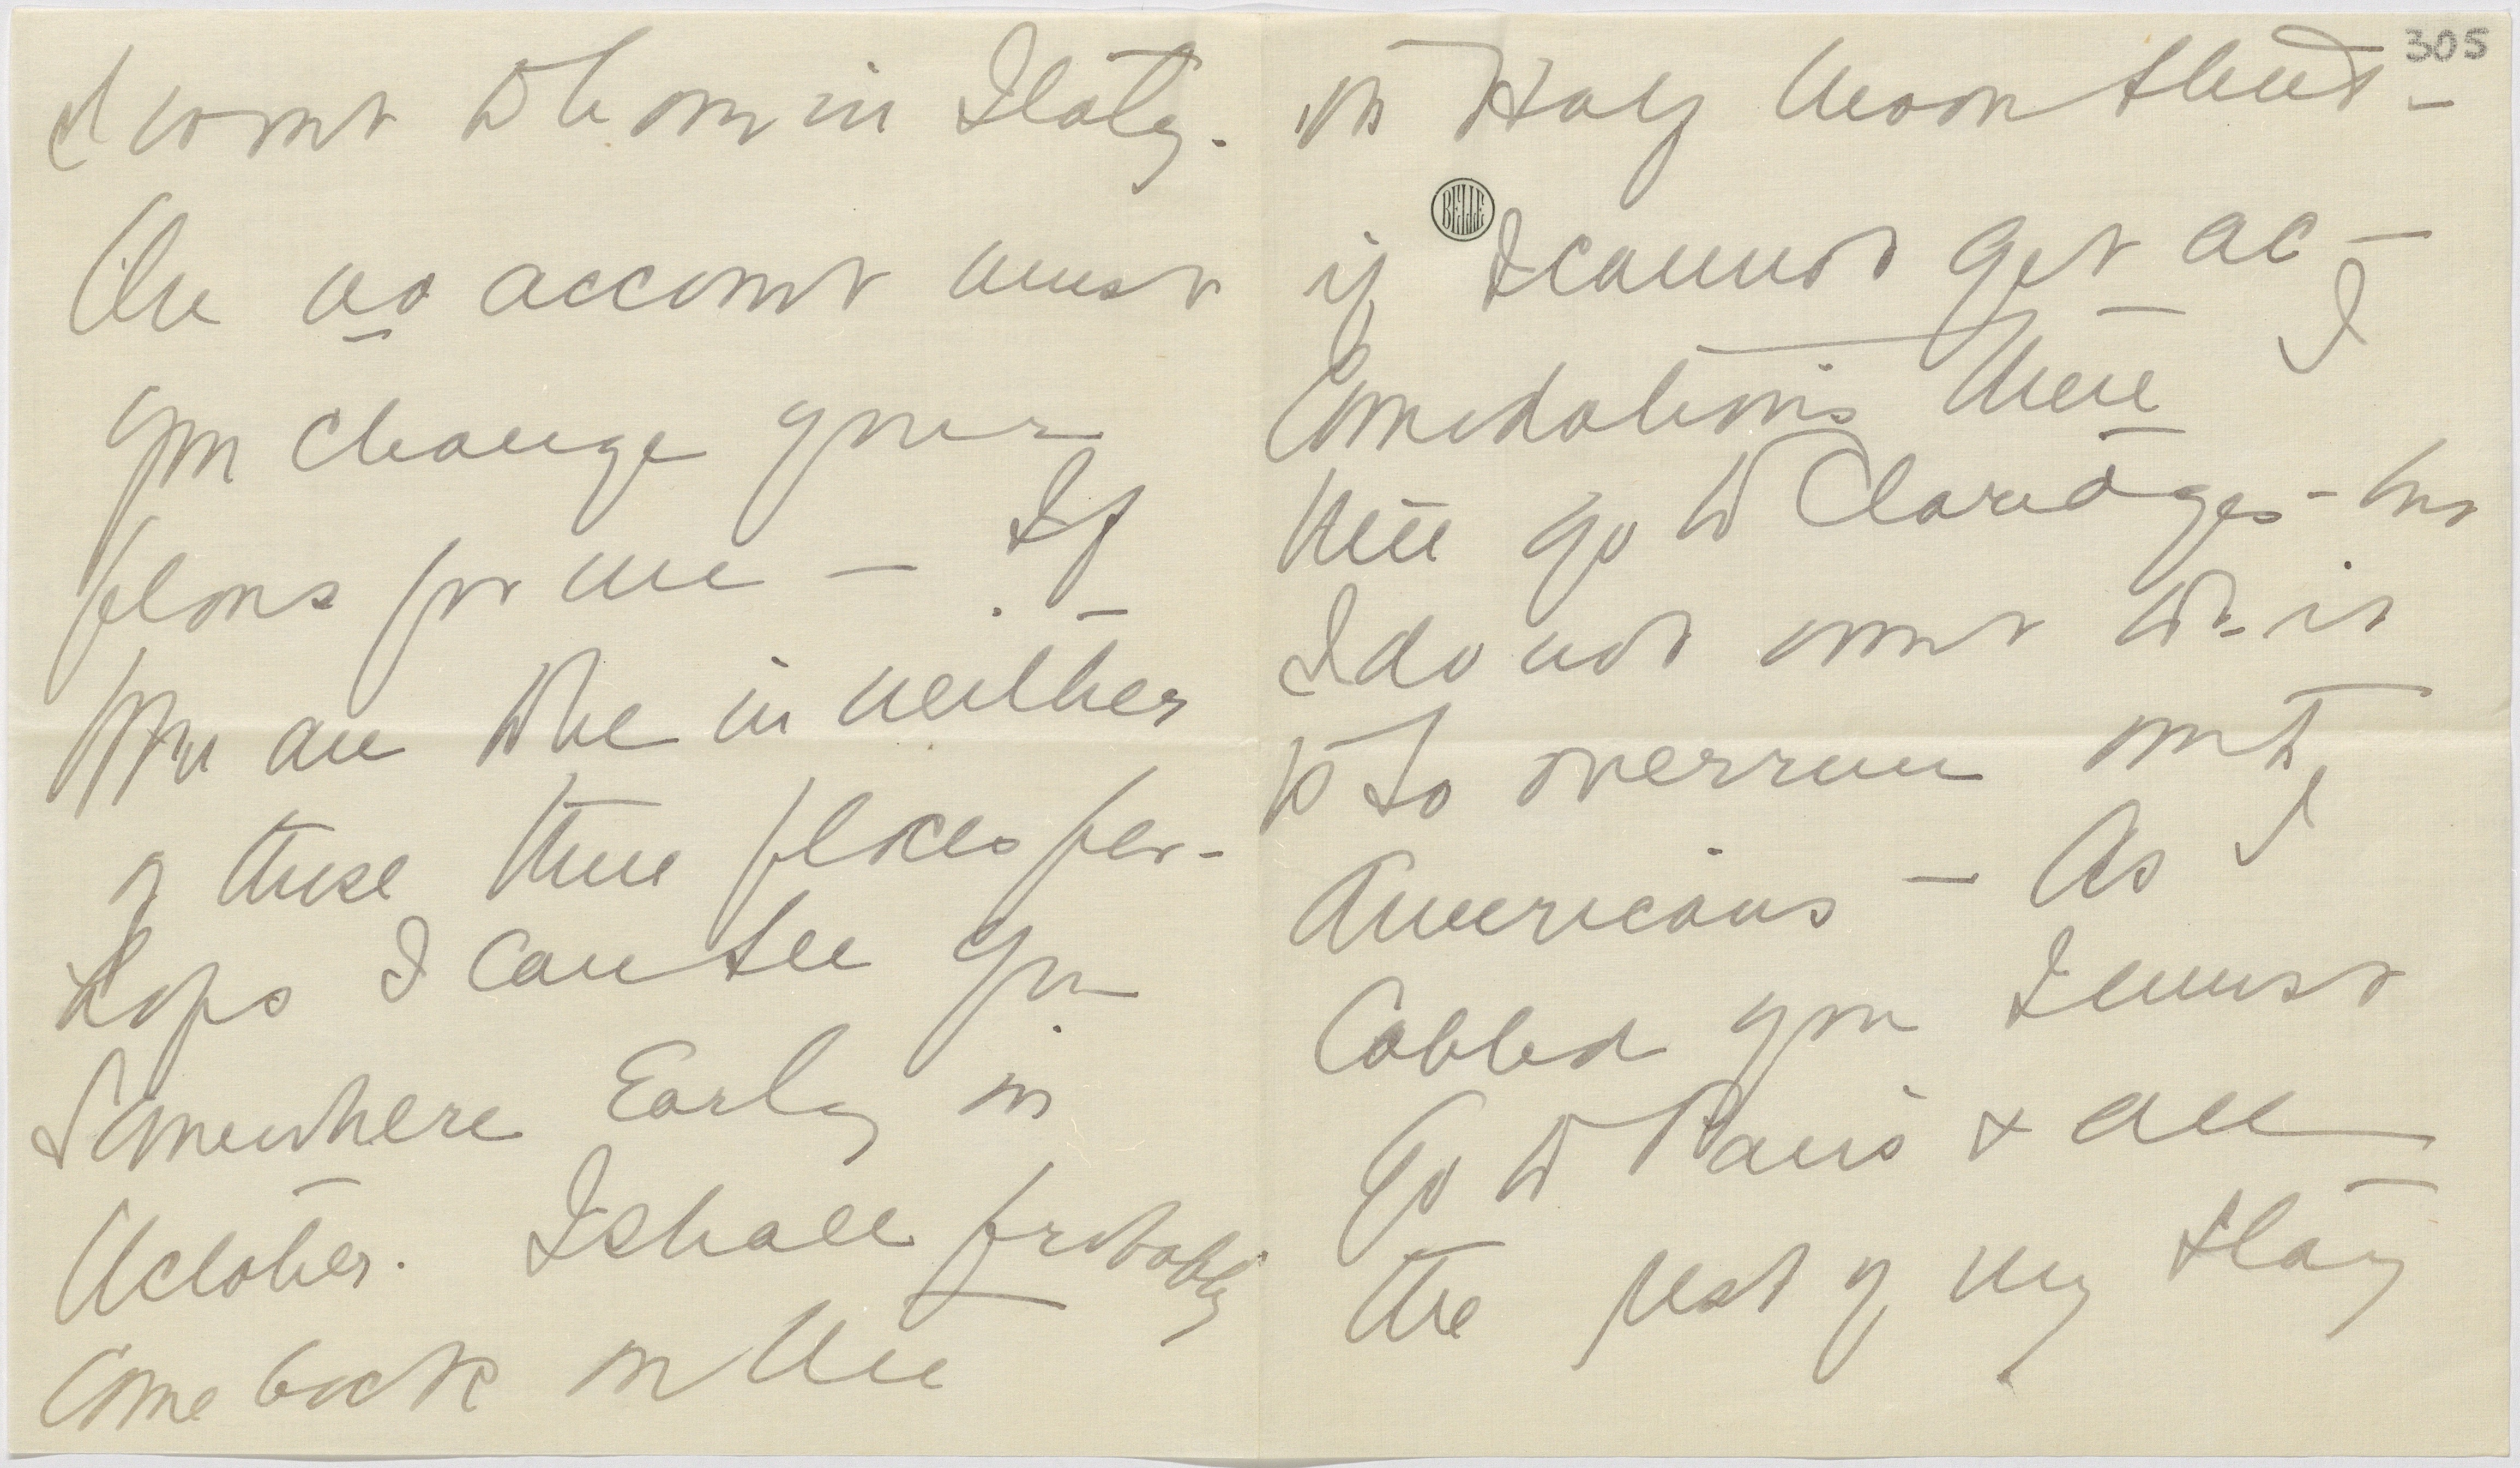on Half Moon Street – if I cannot get accommodations there I will go to Claridges – but I do not want to – it is so overrun with Americans – As I cabled you I must go to Paris & all the rest of my stay
I want to have in Italy. On no account must you change your plans for me – If we are to be in neither of these three places perhaps I can see you somewhere early in October. I shall probably come back on the